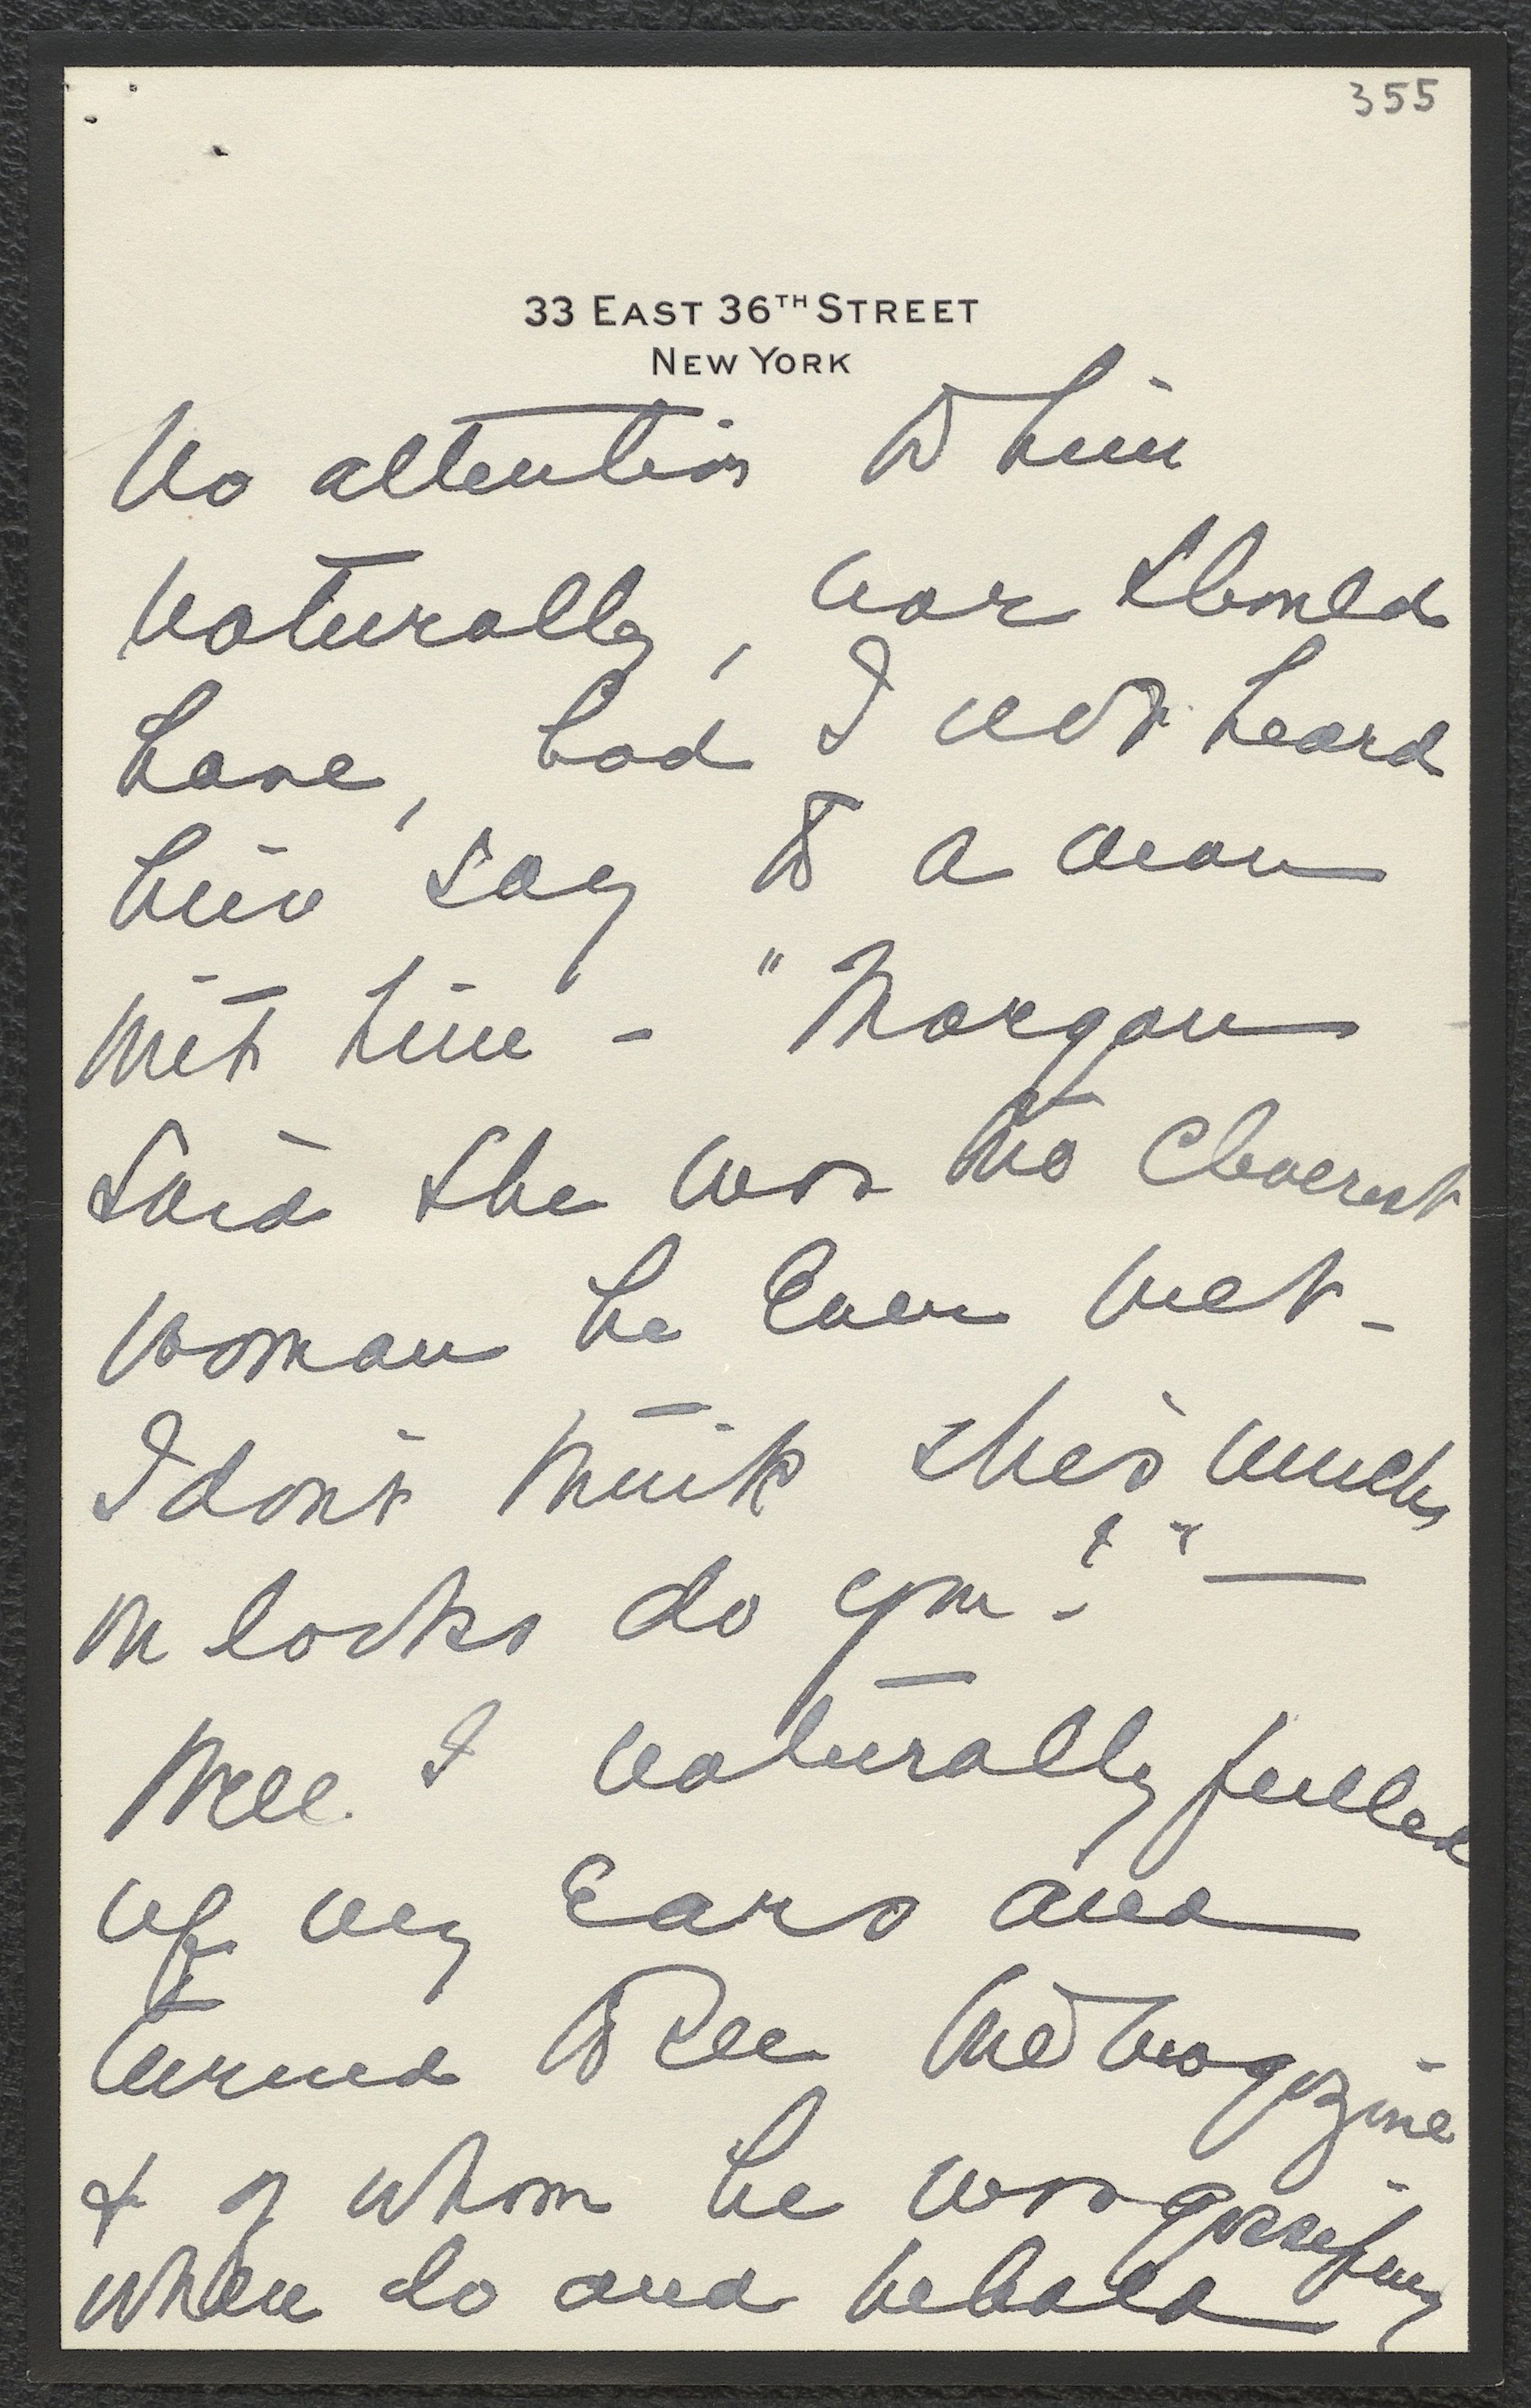no attention to him naturally, nor should have, had I not heard him say to a man with him – “Morgan said she was the cleverest woman he ever met – I don’t think she’s much on looks do you?” –
Well I naturally pulled up my ears and turned to see the magazine of whom he was gossiping where lo and behold